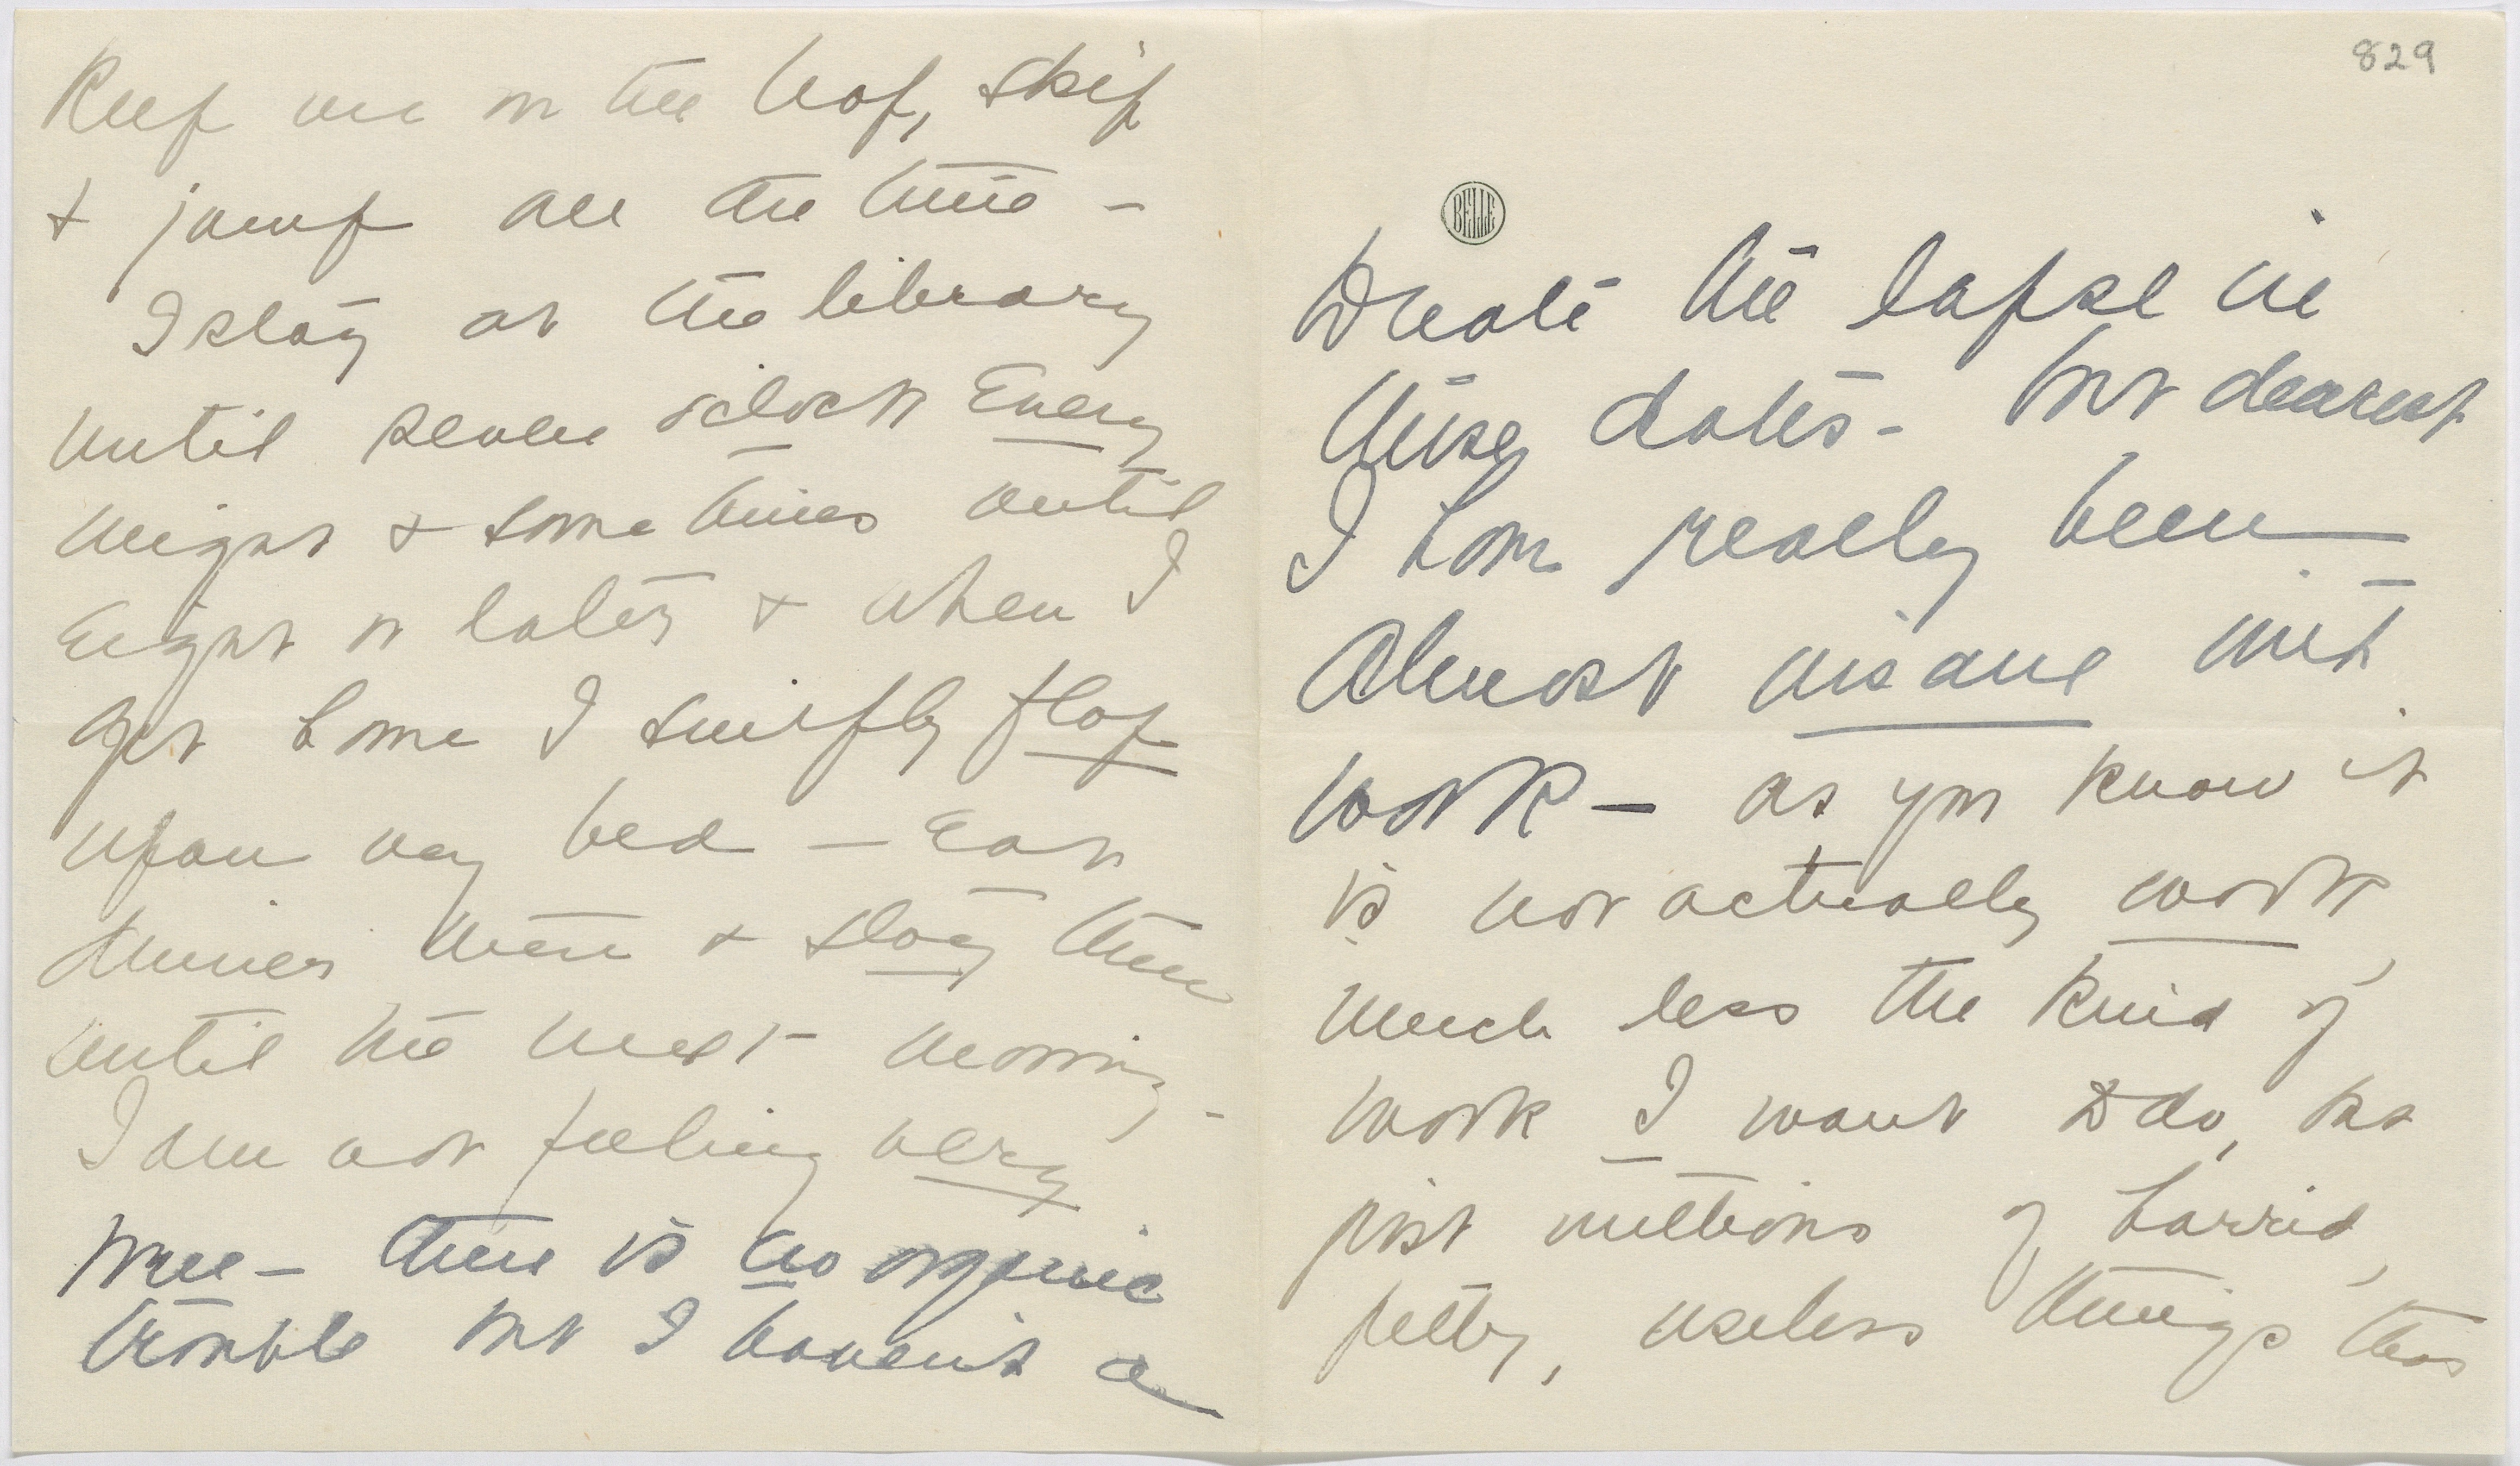to note the lapse in these dates – but dearest I have really been Almost insane with work – as you know it is not actually work, much less the kind of work I want to do, but just millions of horrid, petty, useless things that
keep me on the hop, ship & jump all the time –
I stay at the library until seven o’clock every night & some times until eight or later & when I get home I simply flop upon my bed – eat dinner there & stay there until the next morning –
I am not feeling very well – there is no organic trouble but I haven’t a